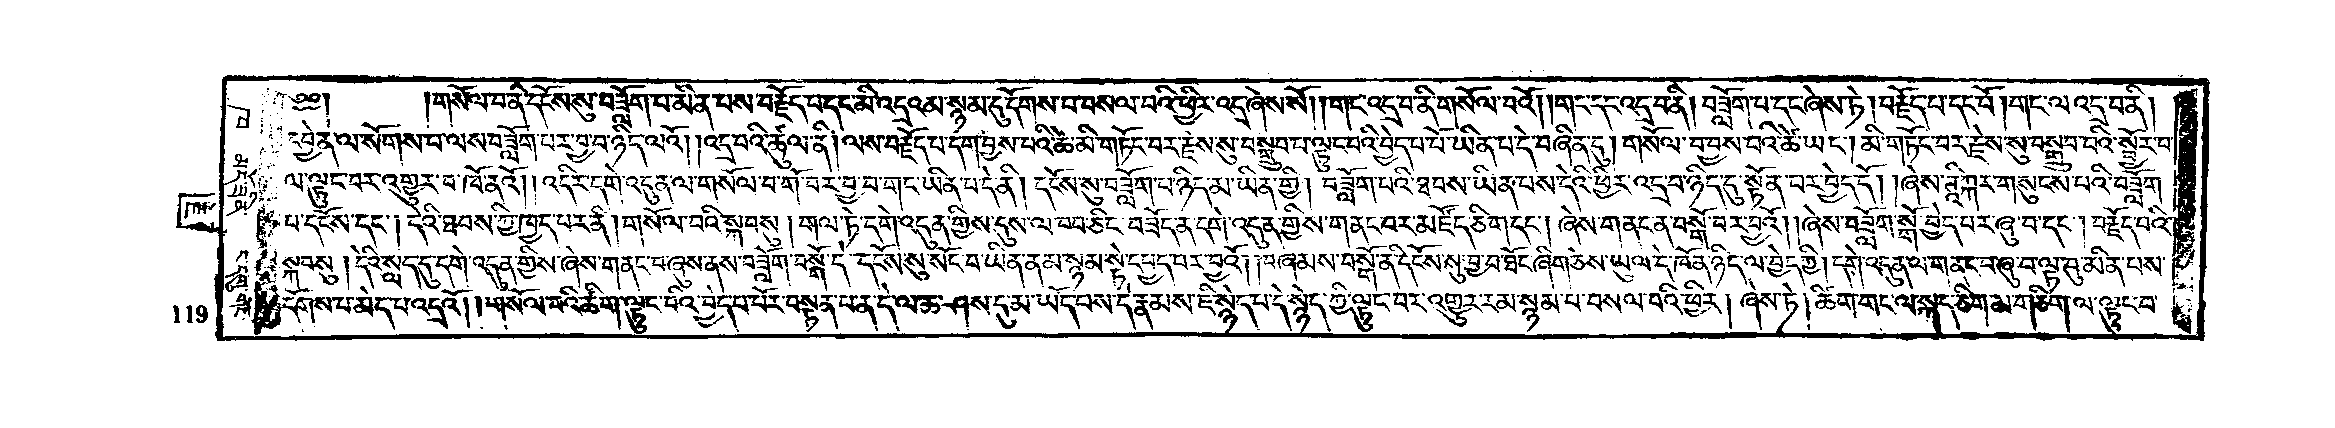ཕི༹རསཏ་༄༅། །གསོལ་བ་ནི་དངོས་སུ་བཟློག་པ་མིན་པས་བརྗོད་པ་དང་མི་འདྲའམ་སྙམ་དུ་དོགས་པ་བསལ་བའི་ཕྱིར་འདྲ་ཞེས་སོ། །གང་འདྲ་བ་ནི་གསོལ་བའོ། །གང་དང་འདྲ་བ་ནི། བཟློག་པ་དང་ཞེས་ཏེ། བརྗོད་པ་དང་པོ། གང་ལ་འདྲ་བ་ནི།
དབྱེན་ལ་སོགས་པ་ལས་བཟློག་པར་བྱ་བ་ཉིད་ལའོ། །འདྲ་བའི་ཚུལ་ནི། ལས་བརྗོད་པ་དག་བྱས་པའི་ཚེ་མི་གཏོང་བར་རྗེས་སུ་བསྒྲུབ་པ་ལྟུང་བའི་བྱེད་པ་པོ་ཡིན་པ་དེ་བཞིན་དུ། གསོལ་བ་བྱས་པའི་ཚེ་ཡང་། མི་གཏོང་བར་རྗེས་སུ་བསྒྲུབ་པའི་སྦྱོར་བ་
ལ་ལྟུང་བར་འགྱུར་བ་ཁོ་ནའོ། །འདིར་དགེ་འདུན་ལ་གསོལ་བ་གོ་བར་བྱ་བ་གང་ཡིན་པ་དེ་ནི། དངོས་སུ་བཟློག་པ་ཉིད་མ་ཡིན་གྱི། བཟློག་པའི་ཐབས་ཡིན་པས་དེའི་ཕྱིར་འདྲ་བ་ཉིད་དུ་སྟོན་པར་བྱེད་དོ། །ཞེས་ཊཱིཀྐར་གསུངས་པའི་བཟློག་
པ་དངོས་དང་། དེའི་ཐབས་ཀྱི་ཁྱད་པར་ནི། གསོལ་བའི་སྐབས་སུ། གལ་ཏེ་དགེ་འདུན་གྱིས་དུས་ལ་བབ་ཅིང་བཟོད་ན་དགེ་འདུན་གྱིས་གནང་བར་མཛོད་ཅིག་དང་། ཞེས་གནང་ན་བསྒོ་བར་བྱའོ། །ཞེས་བཟློག་སྒོ་བྱེད་པར་ཞུ་བ་དང་། བརྗོད་པའི་
སྐབས་སུ། དེའི་སླད་དུ་དགེ་འདུན་གྱིས་ཞེས་གནང་བ་ཞུས་ནས་བཟློག་བསྒོ་དེ་དངོས་སུ་སོང་བ་ཡིན་ནམ་སྙམ་སྟེ་དཔྱད་པར་བྱའོ། །བཞམས་བསྒོ་ནི་དངོས་སུ་བྱ་བ་ཐོང་ཞིག་ཅེས་ཡུལ་དེ་ཁོ་ན་ཉིད་ལ་བྱེད་ཀྱི། དགེ་འདུན་ལ་གནང་བ་ཞུ་བ་ལྟ་བུ་མིན་པས་
དོགས་པ་མེད་པ་འདྲའོ། །གསོལ་བའི་ཚིག་ལྟུང་བའི་བྱེད་པ་པོར་བསྟན་པ་ན་དེ་ལ་ཆ་ཤས་དུ་མ་ཡོད་པས་དེ་རྣམས་ཇི་སྙེད་པ་དེ་སྙེད་ཀྱི་ལྟུང་བར་འགྱུར་རམ་སྙམ་པ་བསལ་བའི་ཕྱིར། ཞེས་ཏེ། ཚིག་གང་ལ་སྐད་ཅིག་མ་གཅིག་ལ་ལྟུང་བ་